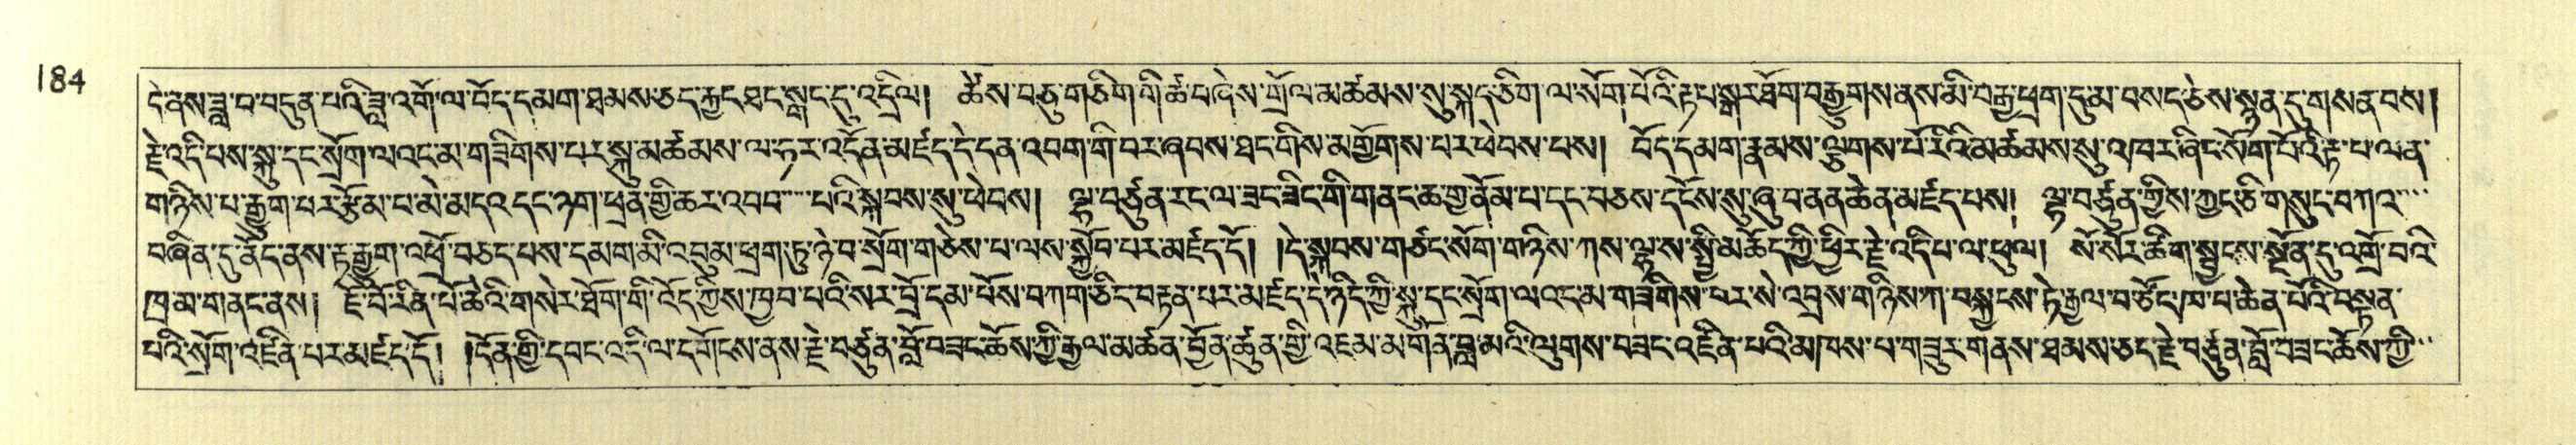དེ་ནས་ཟླ་བ་བདུན་པའི་ཟླ་འགོ་ལ་བོད་དམག་ཐམས་ཅད་རྐྱང་ཐང་སྒང་དུ་འདྲིལ། ཚེས་བཅུ་གཅིག་གི་ཚ་བ་ཞེས་གྲོལ་མཚམས་སུ་སྐད་ཅིག་ལ་སོག་པོའི་རྟ་པ་སྒར་ཐོག་བརྒྱུགས་ནས་མི་བརྒྱ་ཕྲག་དུ་མ་བསད་ཅེས་སྙན་དུ་གསན་བས།
རྗེ་འདི་པས་སྐུ་དང་སྲོག་ལའང་མ་གཟིགས་པར་སྐུ་མཚམས་ལ་ཧར་འདོན་མཛད་དེ་དན་འབག་གི་བར་ཞབས་ཐང་གིས་མགྱོགས་པར་ཕེབས་པས། བོད་དམག་རྣམས་ལྕགས་པོ་རིའི་མཚམས་སུ་འཁར་ཞིང་སོག་པོའི་རྟ་པ་ལན་
གཉིས་པ་རྒྱུག་པར་རྩོམ་པ་མེ་མདའ་དང་ཉག་ཕྲན་གྱི་ཆར་འབབ་པའི་སྐབས་སུ་ཕེབས། ལྷ་བཙུན་རང་ལ་ཟང་ཟིང་གི་གནང་ཆ་གྱ་ནོམ་པ་དང་བཅས་དངོས་སུ་ཞུ་བ་ནན་ཆེན་མཛད་པས། ལྷ་བཙུན་གྱིས་ཀྱང་ཅི་གསུང་བཀའ་
བཞིན་དུ་ནོད་ནས་རྟ་རྒྱུག་འཕྲོ་བཅད་པས་དམག་མི་འབུམ་ཕྲག་ཏུ་ཉེ་བ་སྲོག་གཅེས་པ་ལས་སྐྱོབ་པར་མཛད་དོ། །དེ་སྐབས་གཙང་སོག་གཉིས་ཀས་ལྷ་ས་སྤྱི་མཆོད་ཀྱི་ཕྱིར་རྗེ་འདི་པ་ལ་ཕུལ། སོ་སོར་ཚིག་སྦྱངས་སྔོན་དུ་འགྲོ་བའི་
ཁྲ་མ་གནང་ནས། ཇོ་བོ་རིན་པོ་ཆེའི་གསེར་ཐོག་གི་འོད་ཀྱིས་ཁྱབ་པའི་སར་བྲོ་དམ་པོས་བཀག་ཅིང་བརྟན་པར་མཛད་དེ་ཉིད་ཀྱི་སྐུ་དང་སྲོག་ལའང་མ་གཟིགས་བར་སེ་འབྲས་གཉིས་ཀ་བསྐྱངས་ཏེ་རྒྱལ་བ་ཙོང་ཁ་པ་ཆེན་པོའི་བསྟན་
པའི་སྲོག་འཛིན་པར་མཛད་དོ། །དོན་གྱི་དབང་འདི་ལ་དགོངས་ནས་རྗེ་བཙུན་བློ་བཟང་ཆོས་ཀྱི་རྒྱལ་མཚན་བྱོན་ཚུན་གྱི་འཇམ་མགོན་བླ་མའི་ལུགས་བཟང་འཛིན་པའི་མཁས་པ་གཟུར་གནས་ཐམས་ཅད་རྗེ་བཙུན་བློ་བཟང་ཆོས་ཀྱི་